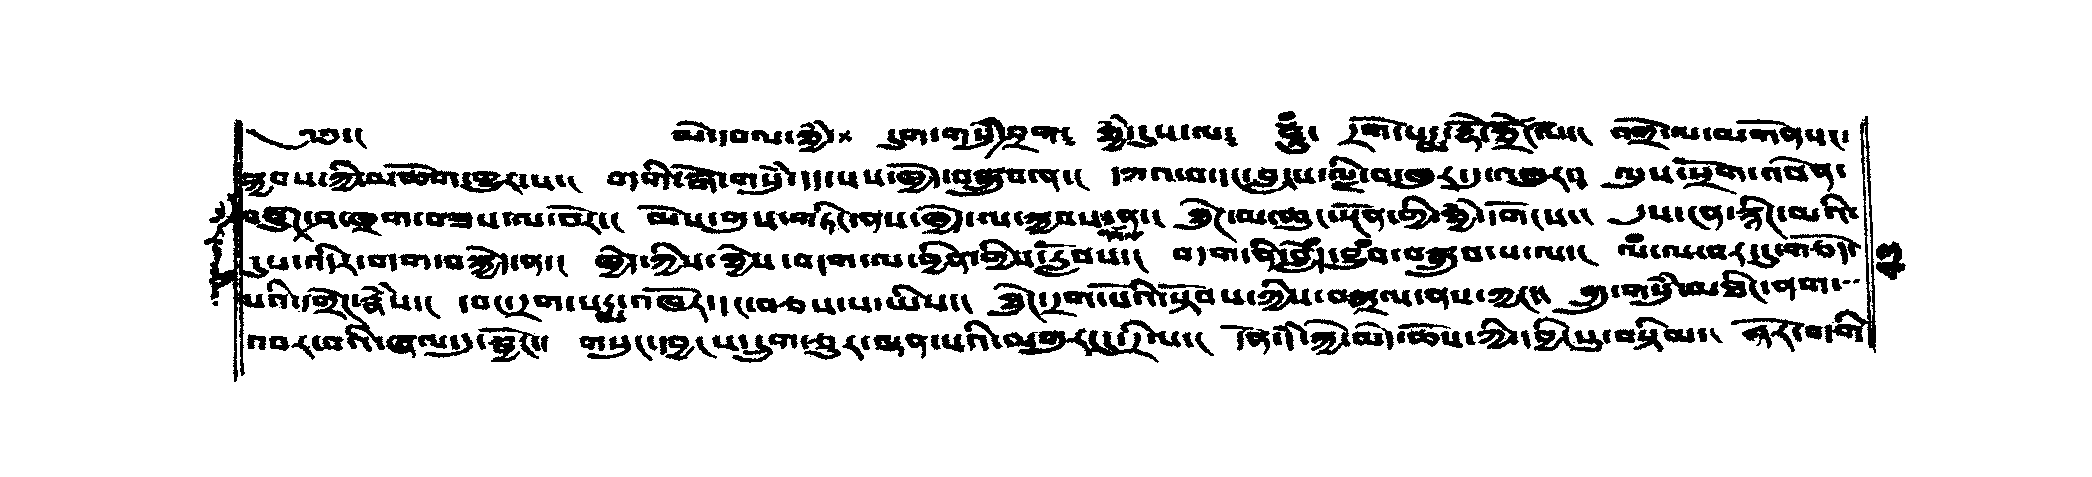མེ་དབལ་ཐུགས་དམ་༴ དུག་གསུམ་ཤ་ཁྲག་༴ ཐུགས་དམ་དུས་ལ༴ ཧཱུྃ། དྲག་པོ་པདྨ་རྡོ་རྗེ་ཐོད་ཕྲེང་རྩལ།། འགྲོ་ལ་མགོན་དང་
སྐྱབས་ཀྱི་མཆོག་གྱུར་པ། །བདག་གི་སྒོ་གསུམ་དད་པས་ཁྱོད་བསྒྲུབ་ན། །དཀའ་བ་དང་བླངས་ལྗི་བ་ཁུར་དུ་ཁྱེར། །ལུས་སྲོག་འབེན་
བཙུགས་ཤ་ཁྲག་བཟས་ལ་བོར། །མོས་གུས་གཏིང་ནས་ཁྱོད་ལ་སྐྱབས་གསོལ་ན། །ཐུགས་རྗེ་མ་ཆུང་སྔོན་གྱི་ཐུགས་དམ་དགོངས། །དུས་ངན་སྙིགས་མའི་
དུས་འདིར་བདག་བསྐྱེད་ན། །ཁྱེད་ཀྱིས་ཐུགས་རྗེས་བདག་ལ་བྱིན་གྱིས་རློབས། །བདག་ནི་བླ་མེད་བྱང་ཆུབ་བསྒྲུབ་པ་ལ། ། ལཾ་ལ་བར་དུ་གཅོད་
པའི་དགྲ་གེགས་རྣམས། །དབང་དྲག་པདྨ་འཁོར་དང་དང་བཅས་པ་ཡིས། །ཐུགས་རྗེས་དྲག་པོའི་སྟོབས་ཀྱིས་བསྒྲལ་ནས་ཀྱང་། །གྲུ་གསུམ་མཐིང་ནག་
འབར་བའི་ཞལ་དུ་སྦྱོང་། །གསུང་དབྱངས་དྲུག་ཅུར་ལྡན་པའི་མགུར་དུ་དྲིལ། །དོན་དམ་སྐྱེ་མེད་ཆོས་ཀྱི་དབྱིངས་དུ་བསྟིམ། །ནོར་བ་བདག་གི་